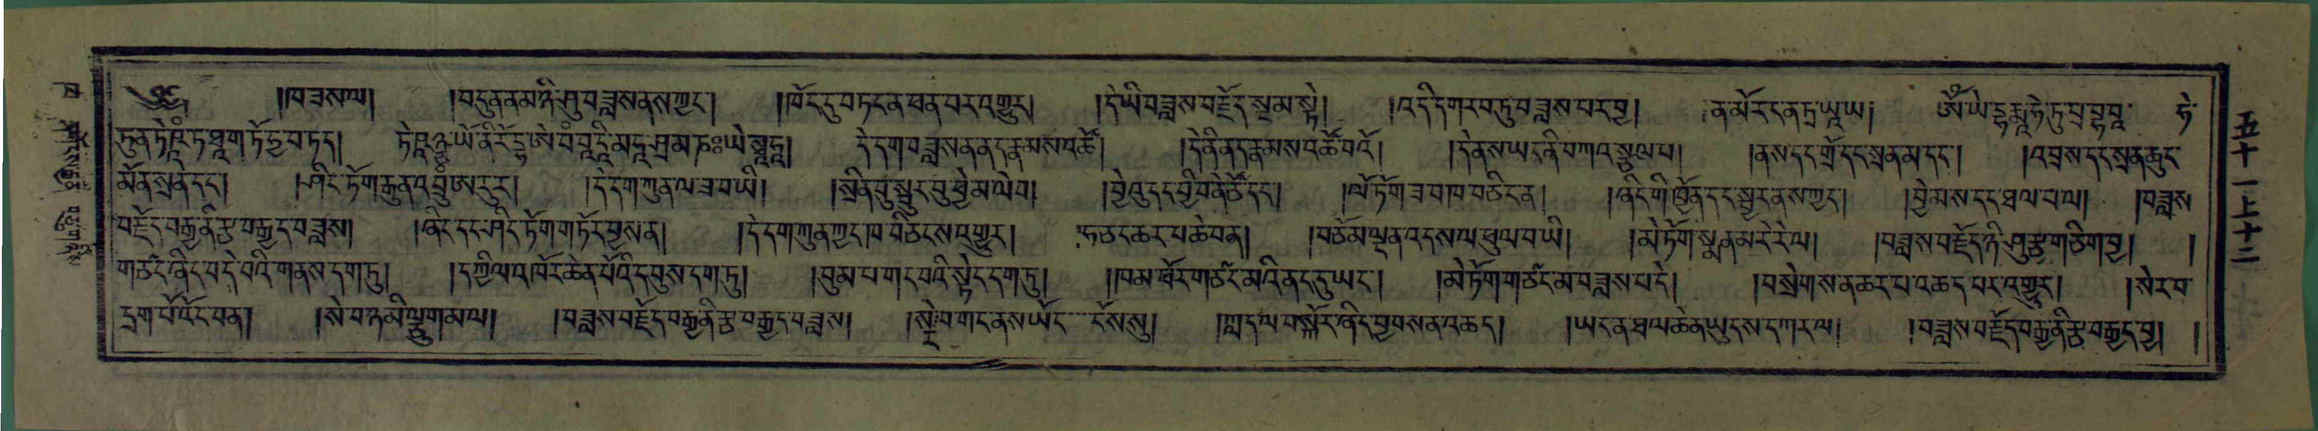ཁ་ཟས་ལ། །
བདུན་ནམ་ཉི་ཤུ་བཟླས་ནས་ཀྱང་། །ཁོང་དུ་བཏང་ན་ཕན་པར་འགྱུར། །དེ་ཡི་བཟླས་བརྗོད་སྔ་མ་སྟེ། །འདི་དག་རབ་ཏུ་བཟླས་པར་བྱ། །ན་མོ་རར་ན་དྲ་ཡཱ་ཡ། ཨོཾ་ཡེ་དྷ་རྨཱ་ཧེ་ཏུ་པྲ་
བྷ་བཱ། ཧེ་ཏུན་ཏེ་ཥཱཾ་ཏ་ཐཱ་ག་ཏོ་ཧྱེ་བཏད། ཏེ་ཥཱ་ཉྩ་ཡོ་ནི་རོ་དྷ་ཨེ་བཾ་བཱ་དཱི་མ་ཧཱ་ཤྲ་མ་ནཿ ཡེ་སྭཱ་ཧཱ། དེ་དག་བཟླས་ན་ནད་རྣམས་འཚོ། །དེ་ནི་ནད་རྣམས་འཚོ་བའོ། །དེ་ནས་ཡང་ནི་
བཀའ་སྩལ་པ། །ནས་དང་གྲོ་དང་སྲན་མ་དང་། །འབྲས་དང་སྲན་ཆུང་མོན་སྲན་དང་། །ཤིང་ཏོག་རྒུན་འབྲུཾ་ཨ་རུ་ར། །དེ་དག་ཀུན་ལ་ཟ་བ་ཡི། །སྲིན་བུ་སྦུར་བུ་ཕྱི་མ་ལེབ། །བྱེའུ་དང་
བྱི་བ་ནེ་ཙོ་དང་། །ལོ་ཏོག་བྲ་?་བ་མ་བཅིང་ན། །ཞིང་གི་ཁྱོན་དང་སྦྱར་ནས་ཀྱང་། །བྱེ་མ་ས་དང་བྲལ་བ་ལ། །བཟླས་བརྗོད་བརྒྱ་ནི་རྩ་བརྒྱད་བཟླས། །ཞིང་དང་ཤིང་ཏོག་གཏོར་བྱས་ན།
དེ་དག་ཀུན་ཀྱང་ཁ་བཅིངས་འགྱུར། །ཧ་ཅང་ཆར་པ་ཆེ་བ་ན། །བཅོམ་ལྡན་འདས་ལ་ཕུལ་བ་ཡི། །མེ་ཏོག་སྨན་མ་རེ་རེ་ལ། །བཟླས་བརྗོད་ཉི་ཤུ་རྩ་གཅིག་བྱ། །གཙང་ཞིང་བདེ་བའི་གནས་དག་ཏུ། །དཀྱིལ་འཁོར་ཆེན་པོའི་དབུས་དག་ཏུ། །བུམ་པ་གང་བའི་སྟེང་དག་ཏུ། །ཁམ་ཕོར་གཙང་མའི་ནང་དུ་ཡང་། །མེ་ཏོག་གཙང་མ་བཟླས་པ་དེ། །བསྲེགས་ན་ཆར་
པ་འཆད་པར་འགྱུར། །སེར་བ་དྲག་པོ་འོང་བ་ན། །སེ་བ་ཉ་མི་ལྕུག་མ་ལ། །བཟླས་བརྗོད་བརྒྱ་ནི་རྩ་བརྒྱད་བཟླས། །སེར་བ་གང་ནས་ཡོངས་ངོས་སུ། །ཀླད་ལ་བསྐོར་ཞིང་བྱབས་ན་
འཆད༑ ༑ཡང་ན་ཐལ་ཆེན་ཡུངས་དཀར་ལ། །བཟླས་བརྗོད་བརྒྱ་ནི་རྩ་བརྒྱད་བྱ།